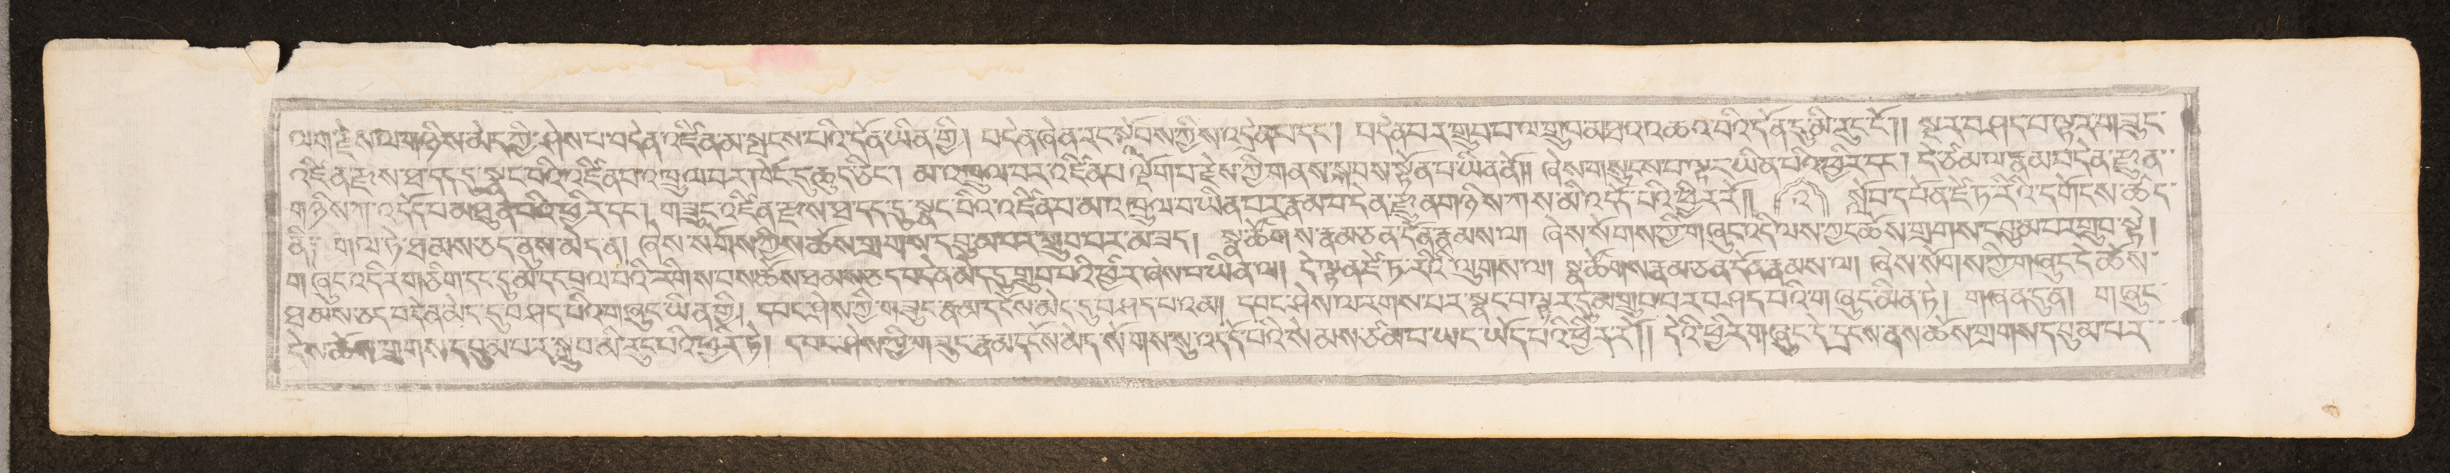ལག་རྗེས་ལ་གཉིས་མེད་ཀྱི་ཤེས་པ་བདེན་འཛིན་མ་སྤངས་པའི་དོན་ཡིན་གྱི། བདེན་ཞེན་རང་སྟོབས་ཀྱིས་འདྲེན་པ་དང་། བདེན་པར་གྲུབ་པ་ལ་གྲུབ་མཐའ་འཆའ་བའི་དོན་དུ་མི་རུང་ངོ། །སྔར་བཤད་པ་ལྟར་གཟུང་
འཛིན་རྫས་ཐ་དད་དུ་སྣང་བའི་འཛིན་པ་འཁྲུལ་བར་ཁོང་དུ་ཆུད་ཅིང་། མ་འཁྲུལ་བར་འཛིན་པ་ལྡོག་པ་རྗེས་ཀྱི་གནས་སྐབས་སྟོན་པ་ཡིན་ནོ། །ཞེས་གསུངས་པ་ལྟར་ཡིན་པའི་ཕྱིར་དང་། དེ་ཙམ་ལ་རྣམ་བདེན་རྫུན་
གཉིས་ཀ་འདོད་པ་མཐུན་པའི་ཕྱིར་དང་། གཟུང་འཛིན་རྫས་ཐ་དད་དུ་སྣང་བའི་འཛིན་པ་མ་འཁྲུལ་བ་ཡིན་པར་རྣམ་པ་དེན་རྫུན་གཉིས་ཀས་མི་འདོད་པའི་ཕྱིར་རོ། ། ༼༽འ༼༽ སློབ་དཔོན་ཛེ་ཏ་རིའི་དགོངས་ཚད་
ནི༑ གལ་ཏེ་ཐམས་ཅད་ནུས་མེད་ན། ཞེས་སོགས་ཀྱིས་ཆོས་གྲགས་དབུ་མ་པར་གྲུབ་པར་མ་ཟད། སྣ་ཚོགས་རྣམ་ཅན་དོན་རྣམས་ལ། ཞེས་སོགས་ཀྱི་གཟུང་འདི་ལས་ཀྱང་ཆོས་གྲགས་དབུ་མ་པར་གྲུབ་སྟེ།
གཞུང་འདིར་གཅིག་དང་དུ་མ་དང་བྲལ་བའི་རིགས་པས་ཆོས་ཐམས་ཅད་བདེན་མེད་དུ་གྲུབ་པའི་ཕྱིར་ཞེས་པ་ཡིན་ལ། དེ་ལྟར་ན་ཛེ་ཏ་རིའི་ལུགས་ལ། སྣ་ཚོགས་རྣམ་ཅན་དོན་རྣམས་ལ། ཞེས་སོགས་ཀྱི་གཞུང་དེ་ཆོས་
ཐམས་ཅད་བདེན་མེད་དུ་བཤད་པའི་གཞུང་ཡིན་གྱི། དབང་ཤེས་ཀྱི་གཟུང་རྣམ་དངོས་མེད་དུ་བཤད་པ་འམ། དབང་ཤེས་ལ་རགས་བར་སྣང་བ་ལྟར་དུ་མ་གྲུབ་པར་བཤད་པའི་གཟུང་མིན་ཏེ། གཞན་དུ་ན། གཞུང་
དེས་ཆོས་གྲགས་དབུ་མ་པར་སྒྲུབ་མི་རུང་བའི་ཕྱིར་ཏེ། དབང་ཤེས་ཀྱི་གཟུང་རྣམ་དངོས་མེད་སོགས་སུ་འདོད་པའི་སེམས་ཙམ་པ་ཡང་ཡོད་པའི་ཕྱིར་རོ། །དེའི་ཕྱིར་གཞུང་དེ་དྲངས་ནས་ཆོས་གྲགས་དབུ་མ་པར་